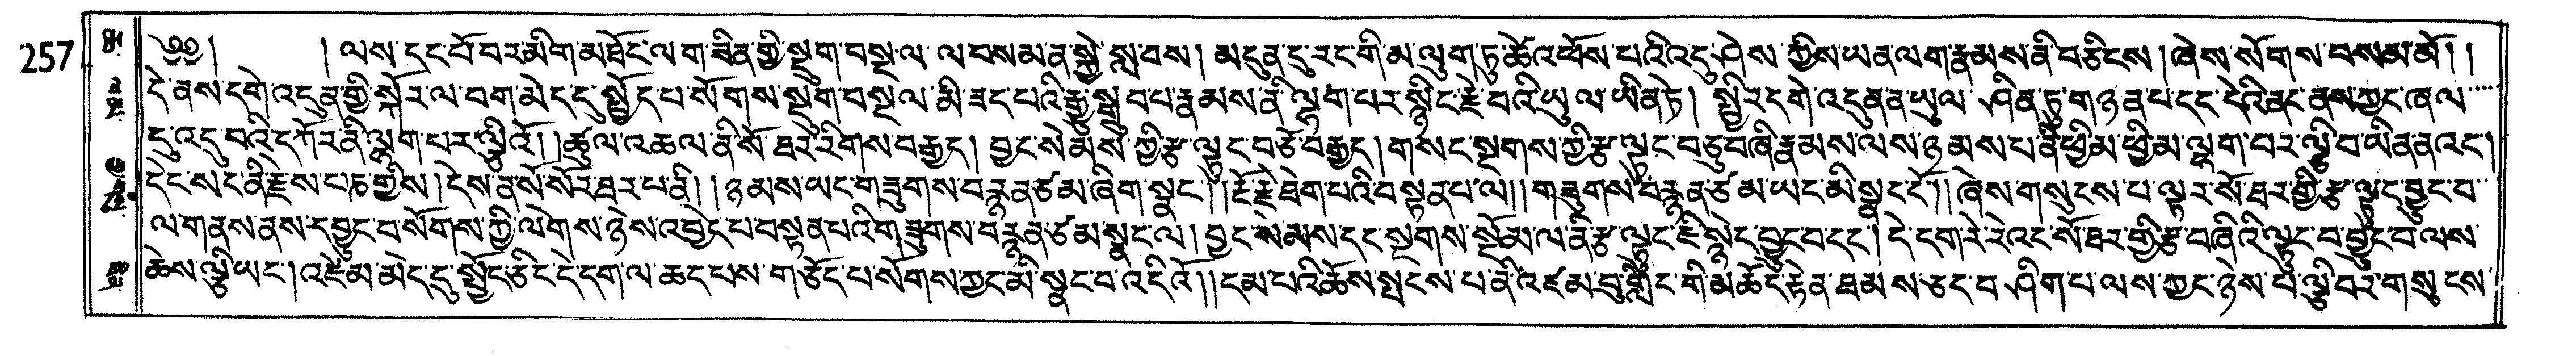༄༅། །ལས་དང་པོ་བར་མིག་མཐོང་ལག་ཟིན་གྱི་སྡུག་བསྔལ་ལ་བསམ་ན་སྐྱེ་སླ་བས། མདུན་དུ་རང་གི་མ་ལུག་ཏུ་ཚེ་འཕོས་པའི་འདུ་ཤེས་ཀྱིས་ཡན་ལག་རྣམས་ནི་བཅིངས། ཞེས་སོགས་བསམ་མོ།།
དེ་ནས་དགེ་འདུན་གྱི་སྐོར་ལ་བག་མེད་དུ་སྤྱོད་པ་སོགས་སྡུག་བསྔལ་མི་ཟད་པའི་རྒྱུ་སྒྲུབ་པ་རྣམས་ནི་ལྷག་པར་སྙིང་རྗེ་བའི་ཡུལ་ཡིན་ཏེ། སྤྱིར་དགེ་འདུན་ན་ཡུལ་ཤིན་ཏུ་གཉན་པ་དང་དེའི་ནང་ནས་ཀྱང་ཞལ་
དུ་འདུ་བའི་དཀོར་ནི་ལྷག་པར་ལྕིའོ། །ཚུལ་འཆལ་ནི་སོ་ཐར་རིགས་བརྒྱད། བྱང་སེམས་ཀྱི་རྩ་ལྟུང་བཅོ་བརྒྱད། གསང་སྔགས་ཀྱི་རྩ་ལྟུང་བཅུ་བཞི་རྣམས་ལས་ཉམས་པ་ནི་ཕྱི་མ་ཕྱི་མ་ལྷག་པར་ལྕི་བ་ཡིན་ནའང་།
དེང་སང་ནི་རྗེས་པཎ་གྱིས། དེས་ན་སོ་སོར་ཐར་པ་ནི། །ཉམས་ཡང་གཟུགས་བརྙན་ཙམ་ཞིག་སྣང་། །རྡོ་རྗེ་ཐེག་པའི་བསྟན་པ་ལ། །གཟུགས་བརྙན་ཙམ་ཡང་མི་སྣང་ངོ། །ཞེས་གསུངས་པ་ལྟར་སོ་ཐར་གྱི་རྩ་ལྟུང་བྱུང་བ་
ལ་གནས་ནས་དབྱུང་བ་སོགས་ཀྱི་ལེགས་ཉེས་འབྱེད་པ་བསྟན་པའི་གཟུགས་བརྙན་ཙམ་སྣང་ལ། བྱང་སེམས་དང་སྔགས་སྡོམ་ལ་ནི་རྩ་ལྟུང་ཇི་སྙེད་བྱུང་བ་དང་། དེ་དག་རེ་རེའང་སོ་ཐར་གྱི་རྩ་བཞིའི་ལྟུང་བ་བྱུང་བ་ལས་
ཆེས་ལྕི་ཡང་། འཛེམ་མེད་དུ་སྤྱོད་ཅིང་དེ་དག་ལ་ཆད་པས་གཅོད་པ་སོགས་ཀྱང་མི་སྣང་བ་འདིའོ། །དམ་པའི་ཆོས་སྤངས་པ་ནི་འཛམ་བུ་གླིང་གི་མཆོད་རྟེན་ཐམས་ཅད་བཤིག་པ་ལས་ཀྱང་ཉེས་པ་ལྕི་བར་གསུངས་